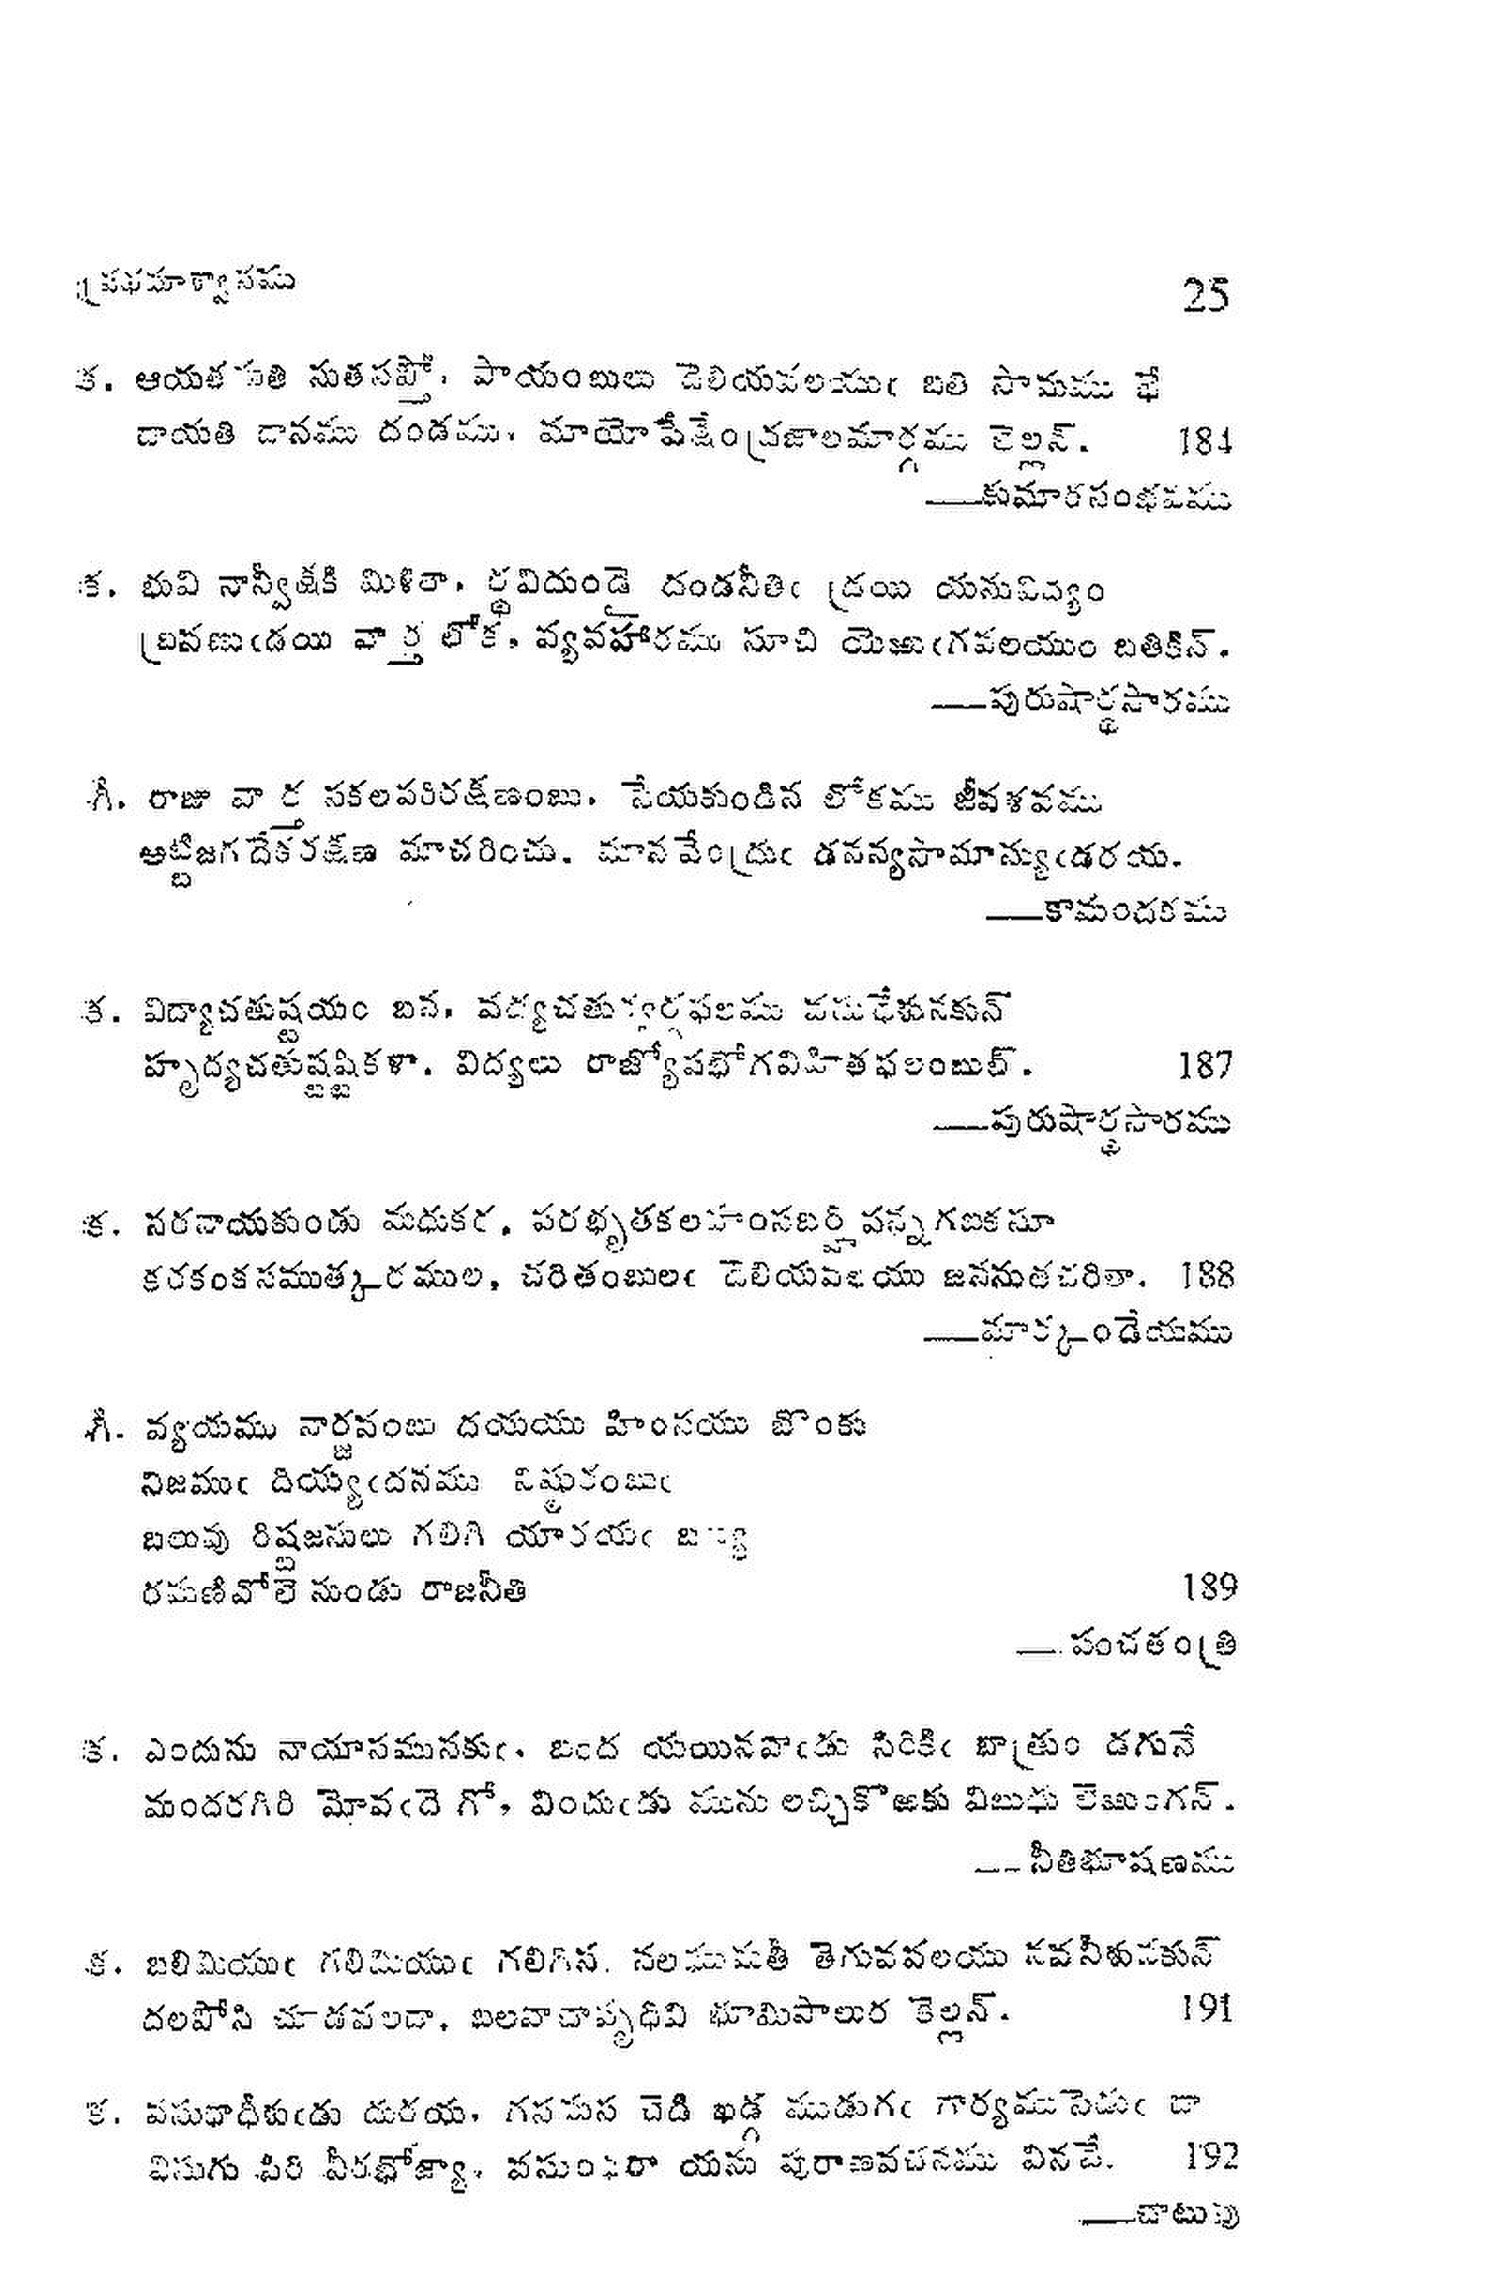క. ఆయతమతి నుతసప్తో
పాయంబులు దెలియవలయుఁ బతి సామము భే
దాయతి దానము దండము
మాయోపేక్షేంద్రజాలమార్గము లెల్లన్. 184

క. భువి నాన్వీక్షకి మిళితా
ర్థవిదుండై దండనీతిఁ ద్రయి యనువిద్యం
బ్రవణుఁడయి వార్త లోక
వ్యవహారము సూచి యెఱుఁగవలయుం బతికిన్. 185

గీ. రాజు వార్త సకలపరిరక్షణంబు
సేయకుండిన లోకము జీవశవము
అట్టిజగదేకరక్షణ మాచరించు
మానవేంద్రుఁ డనన్యసామాన్యుఁ డరయ. 186

క. విద్యాచతుష్టయం బన
పద్యచతుర్వర్గఫలము వసుధేశునకున్
హృద్యచతుష్షష్టికళా
విద్యలు రాజ్యాపభోగవిహితఫలంబుల్. 187

క. వరనాయకుండు మధుకర
పరభృతకలహంసబర్హిపన్నగబకసూ
కరకంకసముత్కరముల
చరితంబులఁ దెలియవలయు జననుతచరితా. 188

గీ. వ్యయము నార్జవంబు దయయు హింసయు బొంకు
నిజముఁ దియ్యఁదనము నిష్ఠురంబుఁ
బలువు రిష్టజనులు గలిగి యారయఁ బణ్య
రమణివోలె నుండు రాజనీతి. 189

క. ఎందును నాయాసమునకుఁ
బంద యయినవాఁడు సిరికి బాత్రుం డగునే
మందరగిరి మోవఁడె గో
విందుఁడు మును లచ్చికొఱకు విబుధు లెఱుంగన్. 190

క. బలిమియుఁ గలిమియుఁ గలిగిన
నలఘుమతీ తెగువవలయు నవనీశునకున్
దలపోసి చూడవలదా
బలవాచాపృథివి భూమిపాలుర కెల్లన్. 191

క. వసుధాధీశుఁడు దుర్దయ
గసమస చెడు ఖడ్గ ముడుగఁ గార్యము సెడుఁ దా
విసుగు సిరి వీరభోజ్యా
వసుంధరా యను పురాణవచనము వినవే. 192